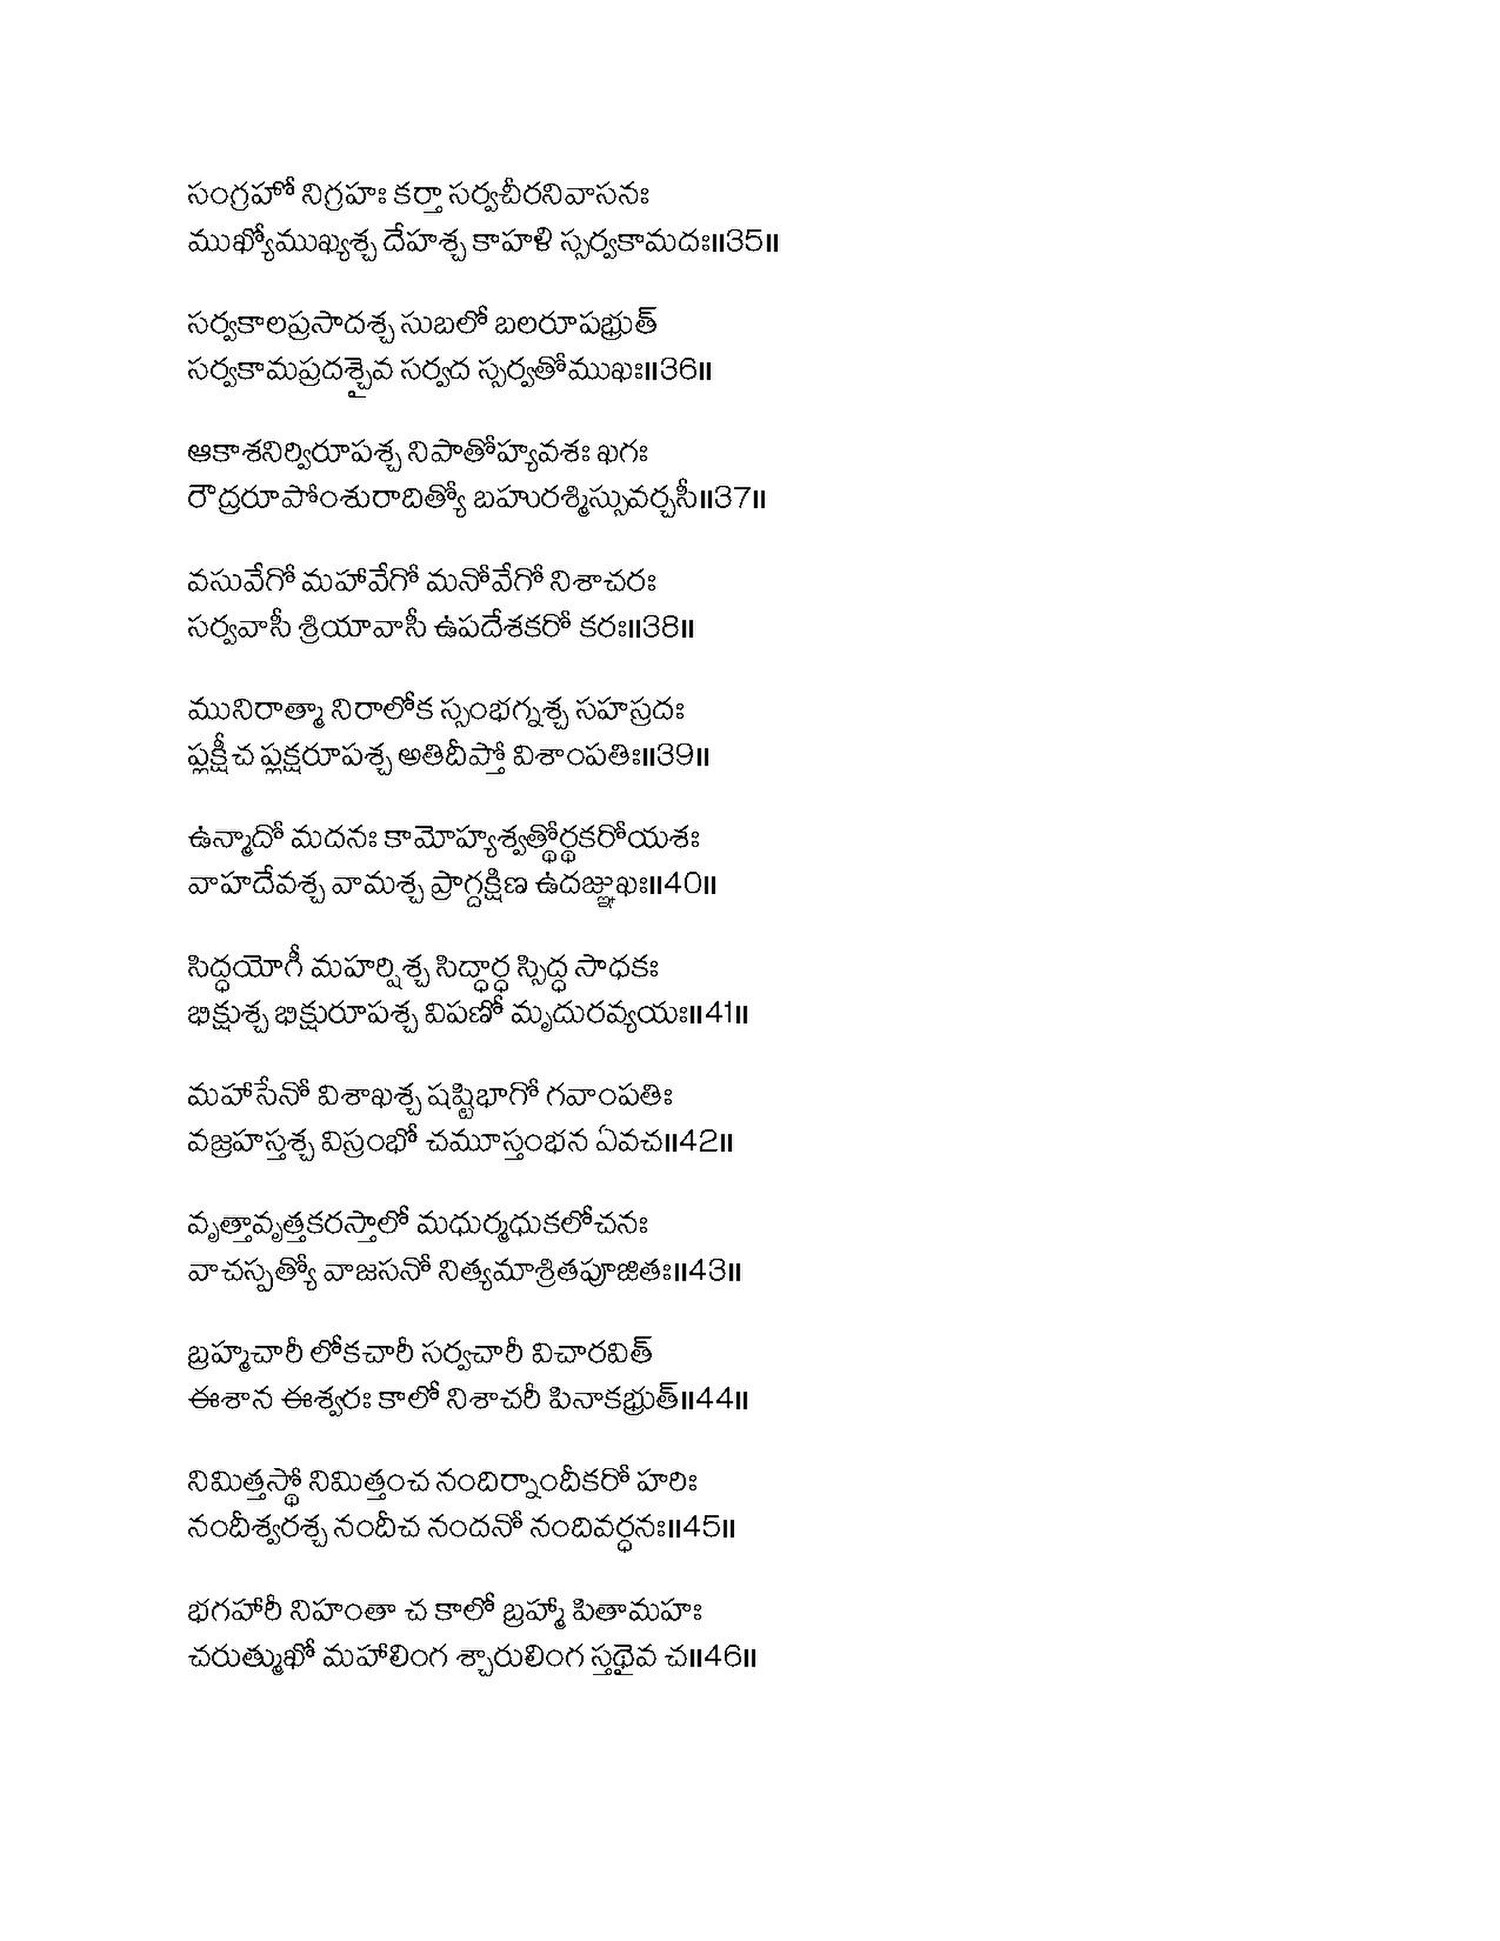సంగ్రహో నిగ్రహః కర్తా సర్వచీరనివాసనః
ముఖ్యోముఖ్యశ్చ దేహశ్చ కాహళి స్సర్వకామదః||35||

సర్వకాలప్రసాదశ్చ సుబలో బలరూపభ్రుత్
సర్వకామప్రదశ్చైవ సర్వద స్సర్వతోముఖః||36||

ఆకాశనిర్విరూపశ్చ నిపాతోహ్యవశః ఖగః
రౌద్రరూపోంశురాదిత్యో బహురశ్మిస్సువర్చసీ||37||

వసువేగో మహావేగో మనోవేగో నిశాచరః
సర్వవాసీ శ్రియావాసీ ఉపదేశకరో కరః||38||

మునిరాత్మా నిరాలోక స్సంభగ్నశ్చ సహస్రదః
ప్లక్షీచ ప్లక్షరూపశ్చ అతిదీప్తో విశాంపతిః||39||

ఉన్మాదో మదనః కామోహ్యశ్వత్థోర్థకరోయశః
వాహదేవశ్చ వామశ్చ ప్రాగ్దక్షిణ ఉదజ్ఞుఖః||40||

సిద్ధయోగీ మహర్షిశ్చ సిద్ధార్ధ సిద్ధ సాధకః
భిక్షుశ్చ భిక్షురూపశ్చ విపణో మృదురవ్యయః||41||

మహాసేనో విశాఖశ్చ షష్టిభాగో గవాంపతిః
వజ్రహస్తశ్చ విస్రంభో చమూస్తంభన ఏవచ ||42||

వృత్తావృత్తకరస్తాలో మధుర్మధుకలోచనః
వాచస్పత్యో వాజసనో నిత్యమాశ్రితపూజితః||43||

బ్రహ్మచారీ లోకచారీ సర్వదారీ విచారవిత్
ఈశాన ఈశ్వరః కాలో నిశాచరీ పినాకభ్రుత్ || 44||

నిమిత్తస్థో నిమిత్తంచ నందిర్నాందీకరో హరిః
నందీశ్వరశ్చ నందీచ నందనో నందివర్ధనః||45||

భగహారీ నిహంతా చ కాలో బ్రహ్మా పితామహః
చరుత్ముఖో మహాలింగ శ్చారులింగస్తథైవ చ||46||